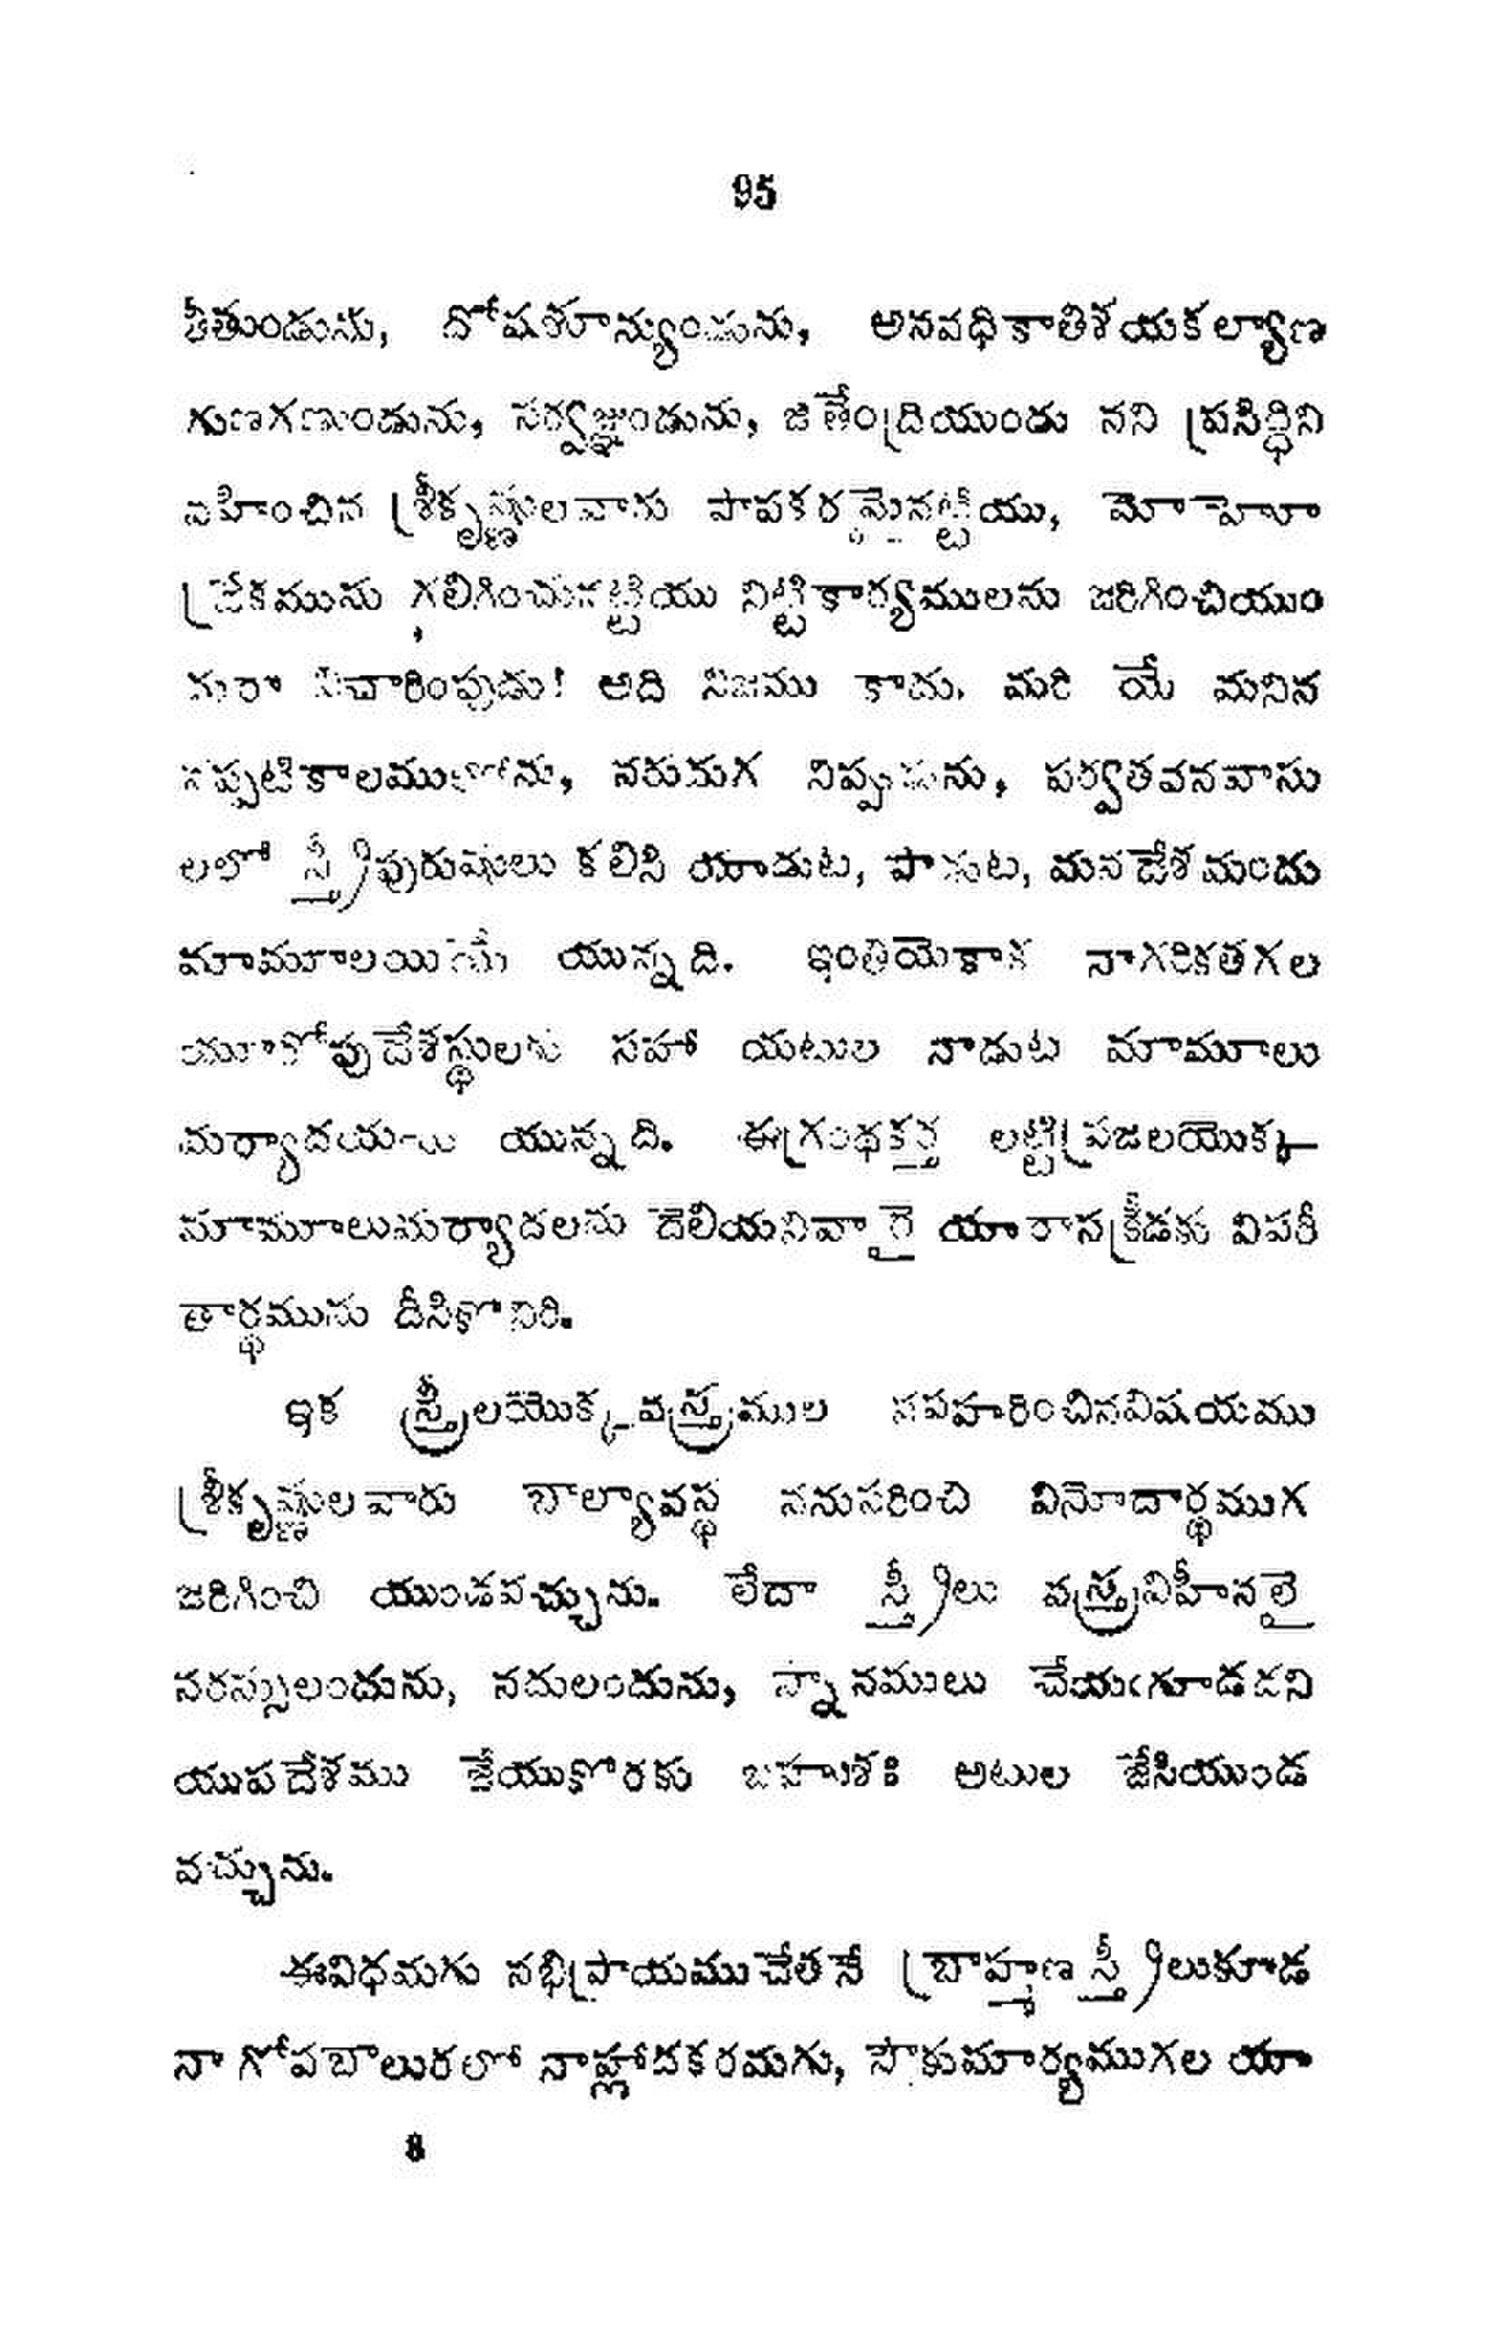తీతుండును, దోషశూన్యుండును, అనవధికాతిశయకల్యాణ గుణగణుండును, సర్వజ్ఞుండును, జితేంద్రియుండు నని ప్రసిద్ధిని వహించిన శ్రీకృష్ణులవారు పాపకరమైనట్టియు, మోహూద్రేకమును గలిగించునట్టియు నిట్టికార్యములను జరిగించియుందురా విచారింపుడు! అది నిజము కాదు. మరి యే మనిన నప్పటికాలములోను, నరుదుగ నిప్పుడును , పర్వతవనవాసులలో స్త్రీపురుషులు కలిసి యాడుట, పాడుట, మనదేశమందు మామూలయియే యున్నది. ఇంతియెకాక నాగరికతగల
యూరపుదేశస్థులకు సహా యటుల నాడుట మామూలు మర్యాదయయి యున్నది. ఈగ్రంథకర్త లట్టిప్రజలయొక్క మామూలుమర్యాదలను దెలియనివారై యారాసక్రీడకు విపరీతార్థమును దీసికొనిరి.

ఇక స్త్రీలయొక్కవస్త్రముల సపహరించిన విషయము శ్రీకృష్ణులవారు బాల్యావస్థ ననుసరించి వినోదార్థముగ జరిగించి యుండవచ్చును. లేదా స్త్రీలు వస్త్రవిహీనలై సరస్సులందును, నదులందును, స్నానములు చేయుఁగూడదని యుపదేశము జేయుకొరకు బహుశః అటుల జేసియుండ వచ్చును.

ఈవిధమగు నభిప్రాయముచేతనే బ్రాహ్మణస్త్రీలుకూడ నా గోపబాలురలో నాహ్లాదకరమగు, సౌకుమార్యముగల యా